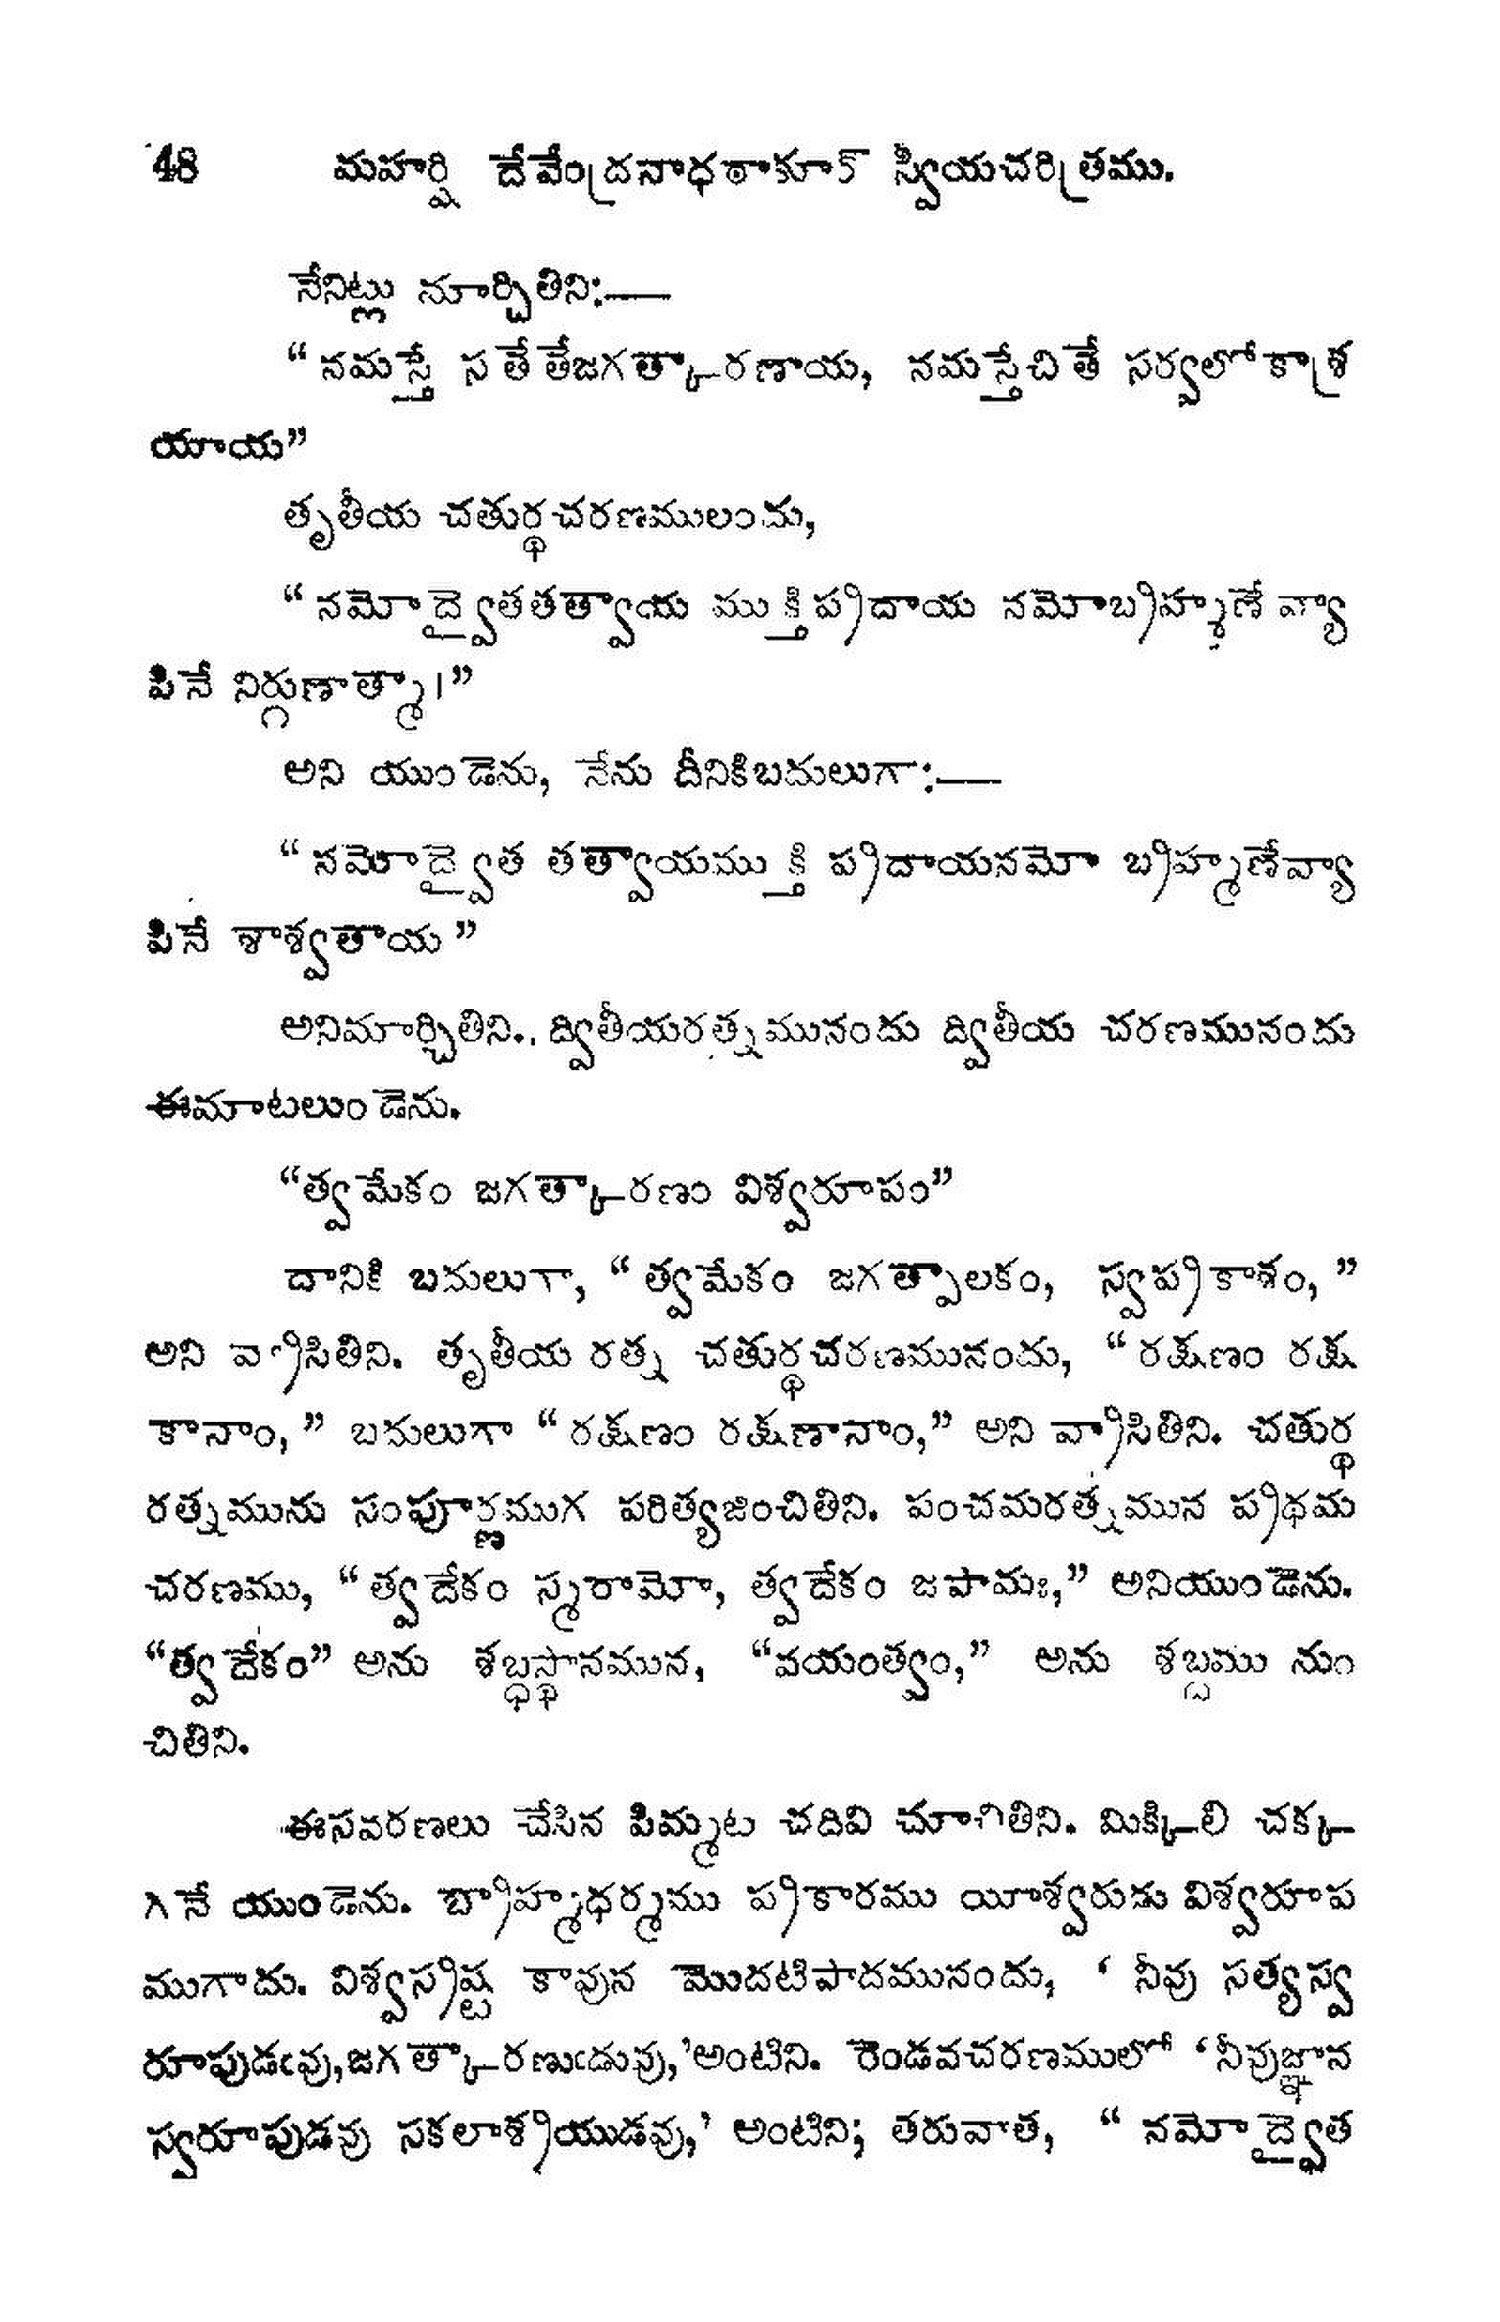నేనిట్లు నూర్చి తని:-

“ నమస్తే సతే తేజగత్కారణాయ, నమస్తేచితే సర్వలోకాశ్రయాయ”

తృతీయ చతుర్థ చరణములందు,

“ నమోద్వైత తత్వాయ ముక్తి ప్రదాయ నమోబ్రహ్మణే వ్యాపినే నిర్గుణాత్మా”

అని యుండెను, నేను దీనికి బదులుగా:--

“ నమోద్వైత తత్వాయము క్తి ప్రదాయనమో బ్రహ్మణేవ్యాపినే శాశ్వతాయ”

అని మార్చితిని., ద్వితీయరత్నమునందు ద్వితీయ చరణమునందు
ఈమాటలుండెను.
"
“త్వ మేకం జగత్కారణం విశ్వరూపం"

దానికి బదులుగా, 

“ త్వమేకం జగత్పాలకం, స్వప్రకాశం,"

అని వ్రాసితిని. తృతీయ రత్న చతుర్థ చరణము నందు, “రక్షణం రక్షకానాం"
” బదులుగా “రక్షణం రక్షణానాం,” అని వాసితిని. చతుర్థరత్నమును సంపూర్ణముగ పరిత్యజించితిని. పంచమరత్నమున ప్రథమచరణము, “ త్వదేకం స్మరామో, త్వదేకం జపామః,” అనియుం డెను.“త్వ దేకం” అను శబ్ధస్థానమున, “వయంత్వం," అను శబ్దము నుంచితిని.

ఈసవరణలు చేసిన పిమ్మట చదివి చూచితిని. మిక్కిలి చక్కగనే యుండెను. బాహ్మధర్మము ప్రకారము యీశ్వరుడు విశ్వరూపము గాదు. విశ్వసష్ట కావున మొదటి పాదమునందు, రూపుడవు,జగత్కారణుఁడువు, అంటిని. రెండవచరణములో “ నీవుజ్ఞానస్వరూపుడవు సకలాశ్రయుడవు,' అంటిని; తరువాత, "నమో ద్వైత